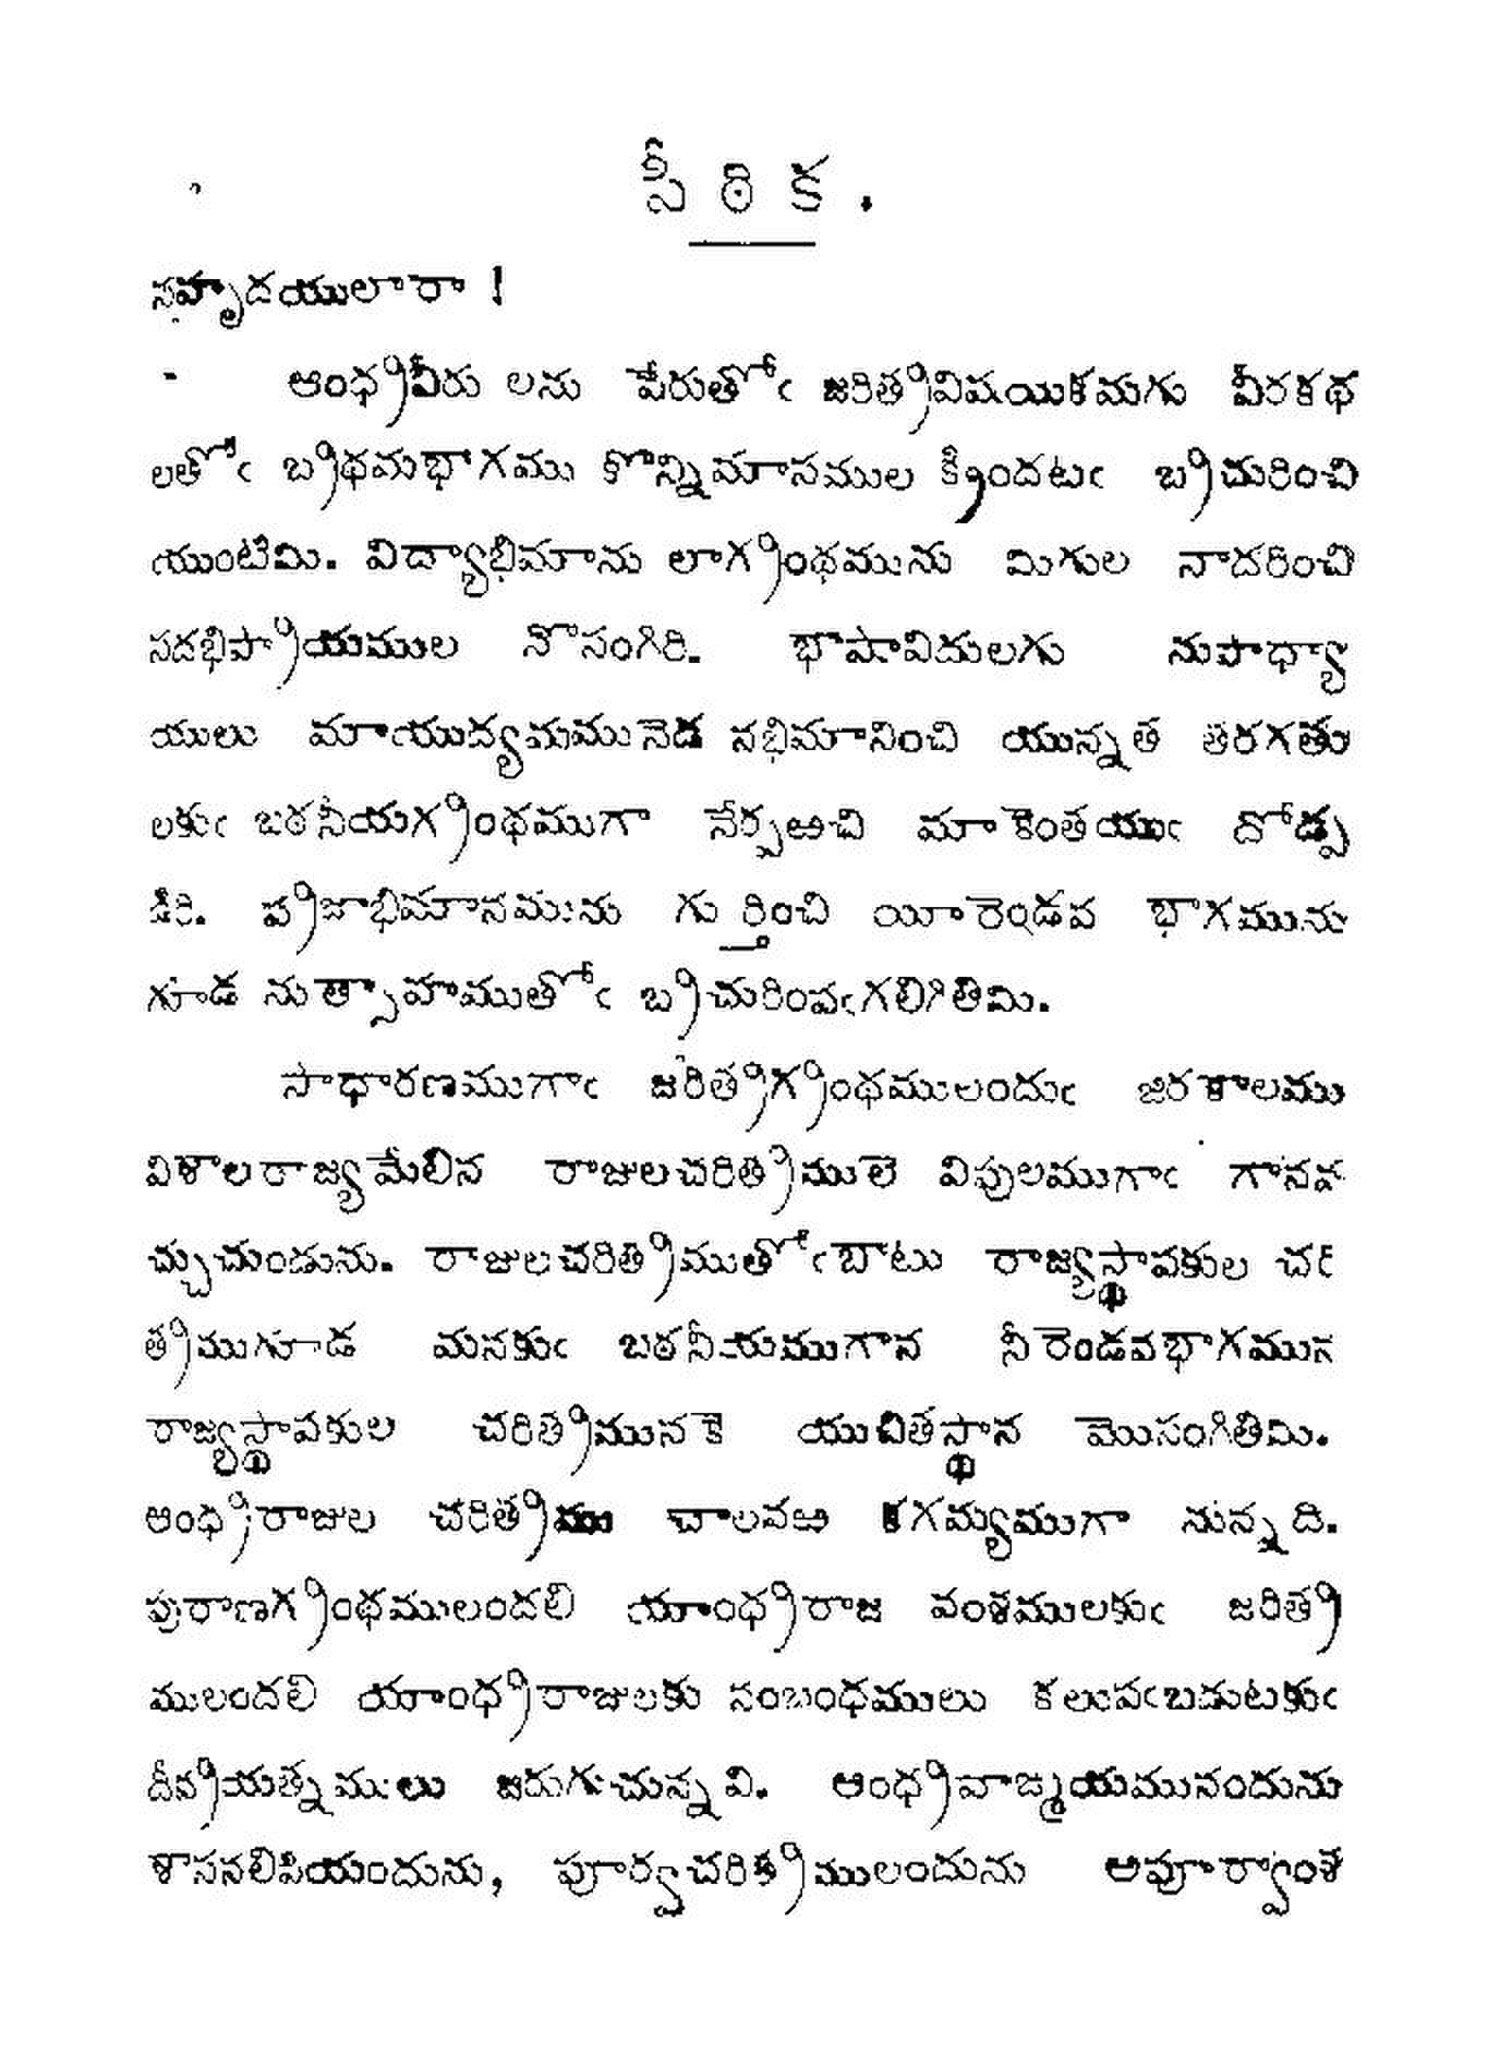సహృదయులారా !

ఆంధ్రవీరు లను పేరుతో జరిత్రవిషయికమగు వీరకథలతో బ్రథమభాగము కొన్నిమాసముల క్రిందట బ్రచురించి యుంటిమి. విద్యభిమాను లాగ్రంథమును మిగుల నాదరించి సదభిప్రాయముల నొసంగిరి. భాషావిదులగు నుపాధ్యాయులు మాయుద్యమమునెడ నభిమానించి యున్నత తరగతులకు బఠనీయ గ్రంథముగా నేర్పఱచి మాకెంతయు దోడ్పడిరి. ప్రజాభిమానమును గుర్తించి యీరెండవ భాగమును గూడ నుత్సాహముతో బ్రచురింప గలిగితిమి.

సాధారణముగా జరిత్రగ్రంథములందు జిరకాలము విశాలరాజ్యమేలిన రాజుల చరిత్రములె విపులముగా గానవచ్చుచుండును. రాజుల చరిత్రముతో బాటు రాజ్యస్థాపకుల చరిత్రముగూడ మనకు బఠనీయముగాన నీరెండవభాగమున రాజ్యస్థాపకుల చరిత్రమునకె యుచితస్థాన మొసంగితిమి. ఆంధ్రరాజుల చరిత్రము చాలవఱ కగమ్యముగా నున్నది. పురాణగ్రంథములందలి యాంధ్రరాజ వంశములకు జరిత్రము లందలి యాంధ్రరాజులకు సంబంధములు కలుపబడుటకు దీవ్రయత్నములు జరుగుచున్నవి. ఆంధ్రవాజ్మయమునందును శాసనలిపియందును, పూర్వచరిత్రములందును అపూర్వాంశ